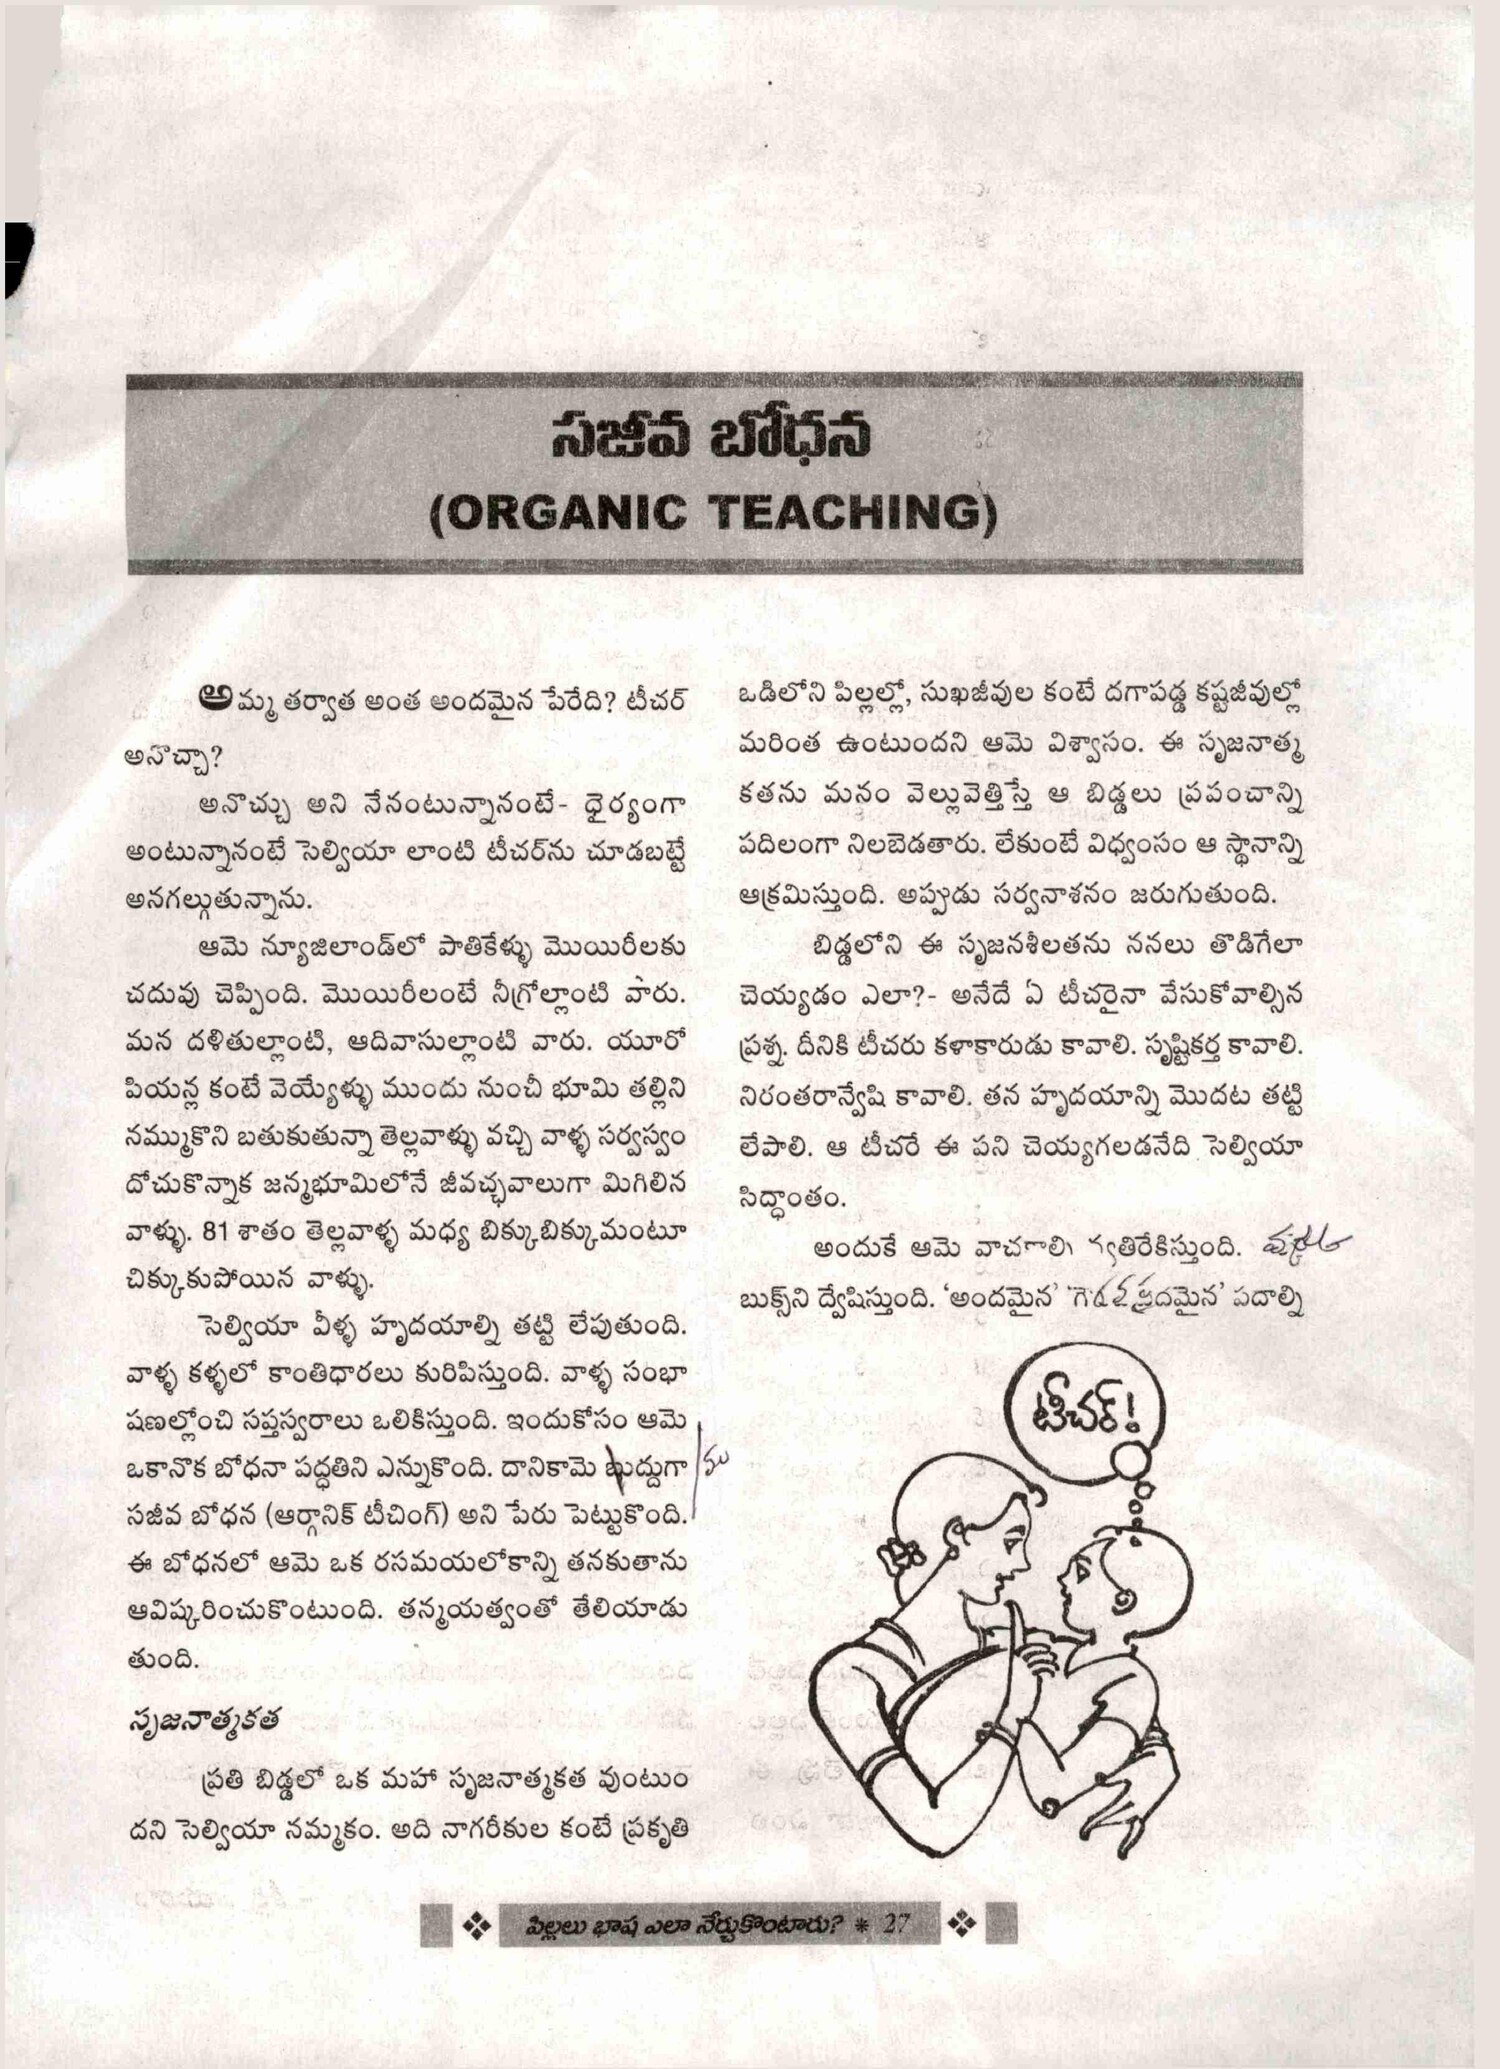సజీవ బోధన
(ORGANIC TEACHING)

అమ్మ తర్వాత అంత అందమైన పేరేది? టీచర్ అనొచ్చా?

అనొచ్చు అని నేనంటున్నానంటే - ధైర్యంగా అంటున్నానంటే సెల్వియా లాంటి టీచర్‌ను చూడబట్టే అనగల్గుతున్నాను.

ఆమె న్యూజిలాండ్‌లో పాతికేళ్ళు మొయిరీలకు చదువు చెప్పింది. మొయిరీలంటే నీగ్రోల్లాంటి వారు. మన దళితుల్లాంటి, ఆదివాసుల్లాంటి వారు. యూరోపియన్ల కంటే వెయ్యేళ్ళు ముందు నుంచీ భూమి తల్లిని నమ్ముకొని బతుకుతున్నా తెల్లవాళ్ళు వచ్చి వాళ్ళ సర్వస్వం దోచుకొన్నాక జన్మభూమిలోనే జీవచ్ఛవాలుగా మిగిలిన వాళ్ళు. 81 శాతం తెల్లవాళ్ళ మధ్య బిక్కుబిక్కుమంటూ చిక్కుకుపోయిన వాళ్ళు.

సెల్వియా వీళ్ళ హృదయాల్ని తట్టి లేపుతుంది. వాళ్ళ కళ్ళలో కాంతిధారలు కురిపిస్తుంది. వాళ్ళ సంభాషణల్లోంచి సప్తస్వరాలు ఒలికిస్తుంది. ఇందుకోసం ఆమె ఒకానొక బోధనా పద్ధతిని ఎన్నుకొంది. దానికామె ముద్దుగా సజీవ బోధన (ఆర్గానిక్ టీచింగ్) అని పేరు పెట్టుకొంది. ఈ బోధనలో ఆమె ఒక రసమయలోకాన్ని తనకుతాను ఆవిష్కరించుకొంటుంది. తన్మయత్వంతో తేలియాడు తుంది.

సృజనాత్మకత

ప్రతి బిడ్డలో ఒక మహా సృజనాత్మకత వుంటుందని సెల్వియా నమ్మకం. అది నాగరీకుల కంటే ప్రకృతి ఒడిలోని పిల్లల్లో, సుఖజీవుల కంటే దగాపడ్డ కష్టజీవుల్లో మరింత ఉంటుందని ఆమె విశ్వాసం. ఈ సృజనాత్మకతను మనం వెల్లువెత్తిస్తే ఆ బిడ్డలు ప్రపంచాన్ని పదిలంగా నిలబెడతారు. లేకుంటే విధ్వంసం ఆ స్థానాన్ని ఆక్రమిస్తుంది. అప్పుడు సర్వనాశనం జరుగుతుంది.

బిడ్డలోని ఈ సృజనశీలతను ననలు తొడిగేలా చెయ్యడం ఎలా?- అనేదే ఏ టీచరైనా వేసుకోవాల్సిన ప్రశ్న. దీనికి టీచరు కళాకారుడు కావాలి. సృష్టికర్త కావాలి. నిరంతరాన్వేషి కావాలి. తన హృదయాన్ని మొదట తట్టి లేపాలి. ఆ టీచరే ఈ పని చెయ్యగలడనేది సెల్వియా సిద్దాంతం.

అందుకే ఆమె వాచకాల్ని వ్యతిరేకిస్తుంది. వర్కబుక్స్‌ని ద్వేషిస్తుంది. ‘అందమైన ' 'గౌరవప్రదమైన' పదాల్ని